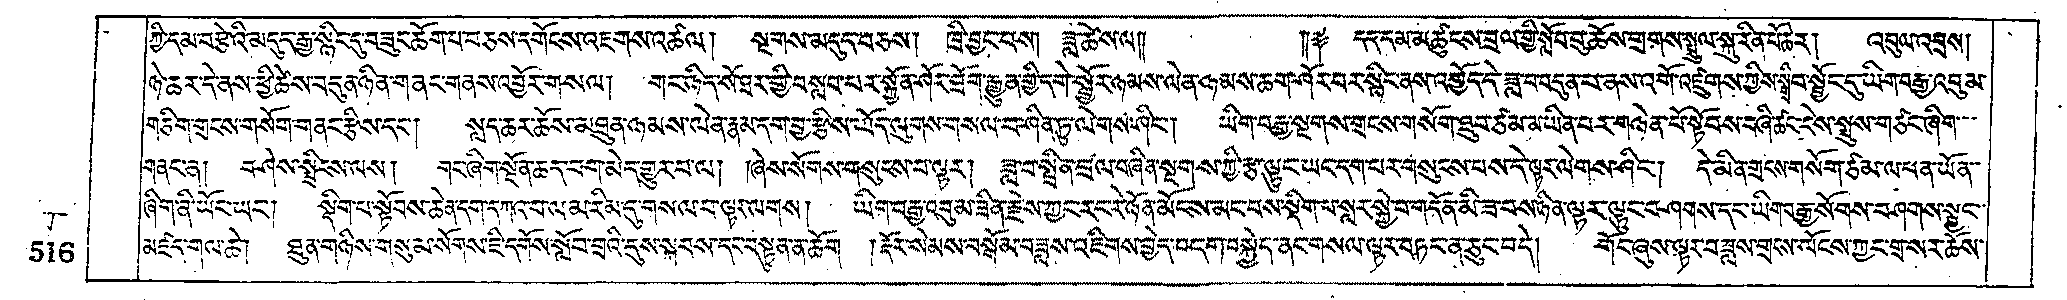ཀྱི་དམ་བརྩེའི་མདུད་རྒྱ་སྙིང་དུ་བཟུང་ཆོག་པ་བཅས་དགོངས་འཇགས་འཚལ། སྔགས་མདུད་བཅས། ཁྲི་བྱང་པས། ཟླ་ཚེས་ལ།། །།འ་དད་དམ་མཚུངས་བྲལ་གྱི་སློབ་བུ་ཆོས་གྲགས་སྤྲུལ་སྐུ་རིན་པོ་ཆེར། འབུལ་འབྲས།
ཉེ་ཆར་དེ་ནས་ཕྱི་ཚེས་བདུན་ཉིན་གནང་གནས་འབྱོར་གསལ། གང་ཉིད་སོ་ཐར་གྱི་བསླབ་པར་སྐྱོན་ཤོར་ཐོག་རྒྱུན་གྱི་དགེ་སྦྱོར་ཉམས་ལེན་ཉམས་ཆག་ཤོར་བར་སྙིང་ནས་འགྱོད་དེ་ཟླ་བ་བདུན་པ་ནས་འགོ་འཛུགས་ཀྱིས་སྒྲིབ་སྦྱོང་དུ་ཡིག་བརྒྱ་འབུམ་
གཅིག་གྲངས་གསོག་གནང་རྩིས་དང་། སླད་ཆར་ཆོས་མཐུན་ཉམས་ལེན་རྣམ་དག་བྱ་རྩིས་ཡོད་ལུགས་གསལ་བ་ཤིན་ཏུ་ལེགས་ཤིང་། ཡིག་བརྒྱ་སྔགས་གྲངས་གསོག་ཐུབ་ཙམ་མ་ཡིན་པར་གཉེན་པོ་སྟོབས་བཞི་ཚང་ངེས་སྤུས་གཙང་ཞིག་་་
གནང་ན། བཤེས་སྤྲིངས་ལས། གང་ཞིག་སྔོན་ཆད་བག་མེད་གྱུར་པ་ལ། །ཞེས་སོགས་གསུངས་པ་ལྟར། ཟླ་བ་སྤྲིན་བྲལ་བཞིན་སྔགས་ཀྱི་རྩ་ལྟུང་ཡང་དག་པར་གསུངས་པས་དེ་ལྟར་ལེགས་ཤིང་། དེ་མིན་གྲངས་གསོག་ཙམ་ལ་ཕན་ཡོན་་་
ཞིག་ནི་ཡོང་ཡང་། སྡིག་པ་སྟོབས་ཆེན་དག་དཀའ་བ་ལམ་རིམ་དུ་གསལ་བ་ལྟར་ལགས། ཡིག་བརྒྱ་འབུམ་ཟིན་རྗེས་ཀྱང་རང་རེ་ཉོན་མོངས་མང་བས་སྡིག་པ་སླར་སྐྱེ་བ་གདོན་མི་ཟ་བས་ཉིན་ལྟར་ལྟུང་བཤགས་དང་ཡིག་བརྒྱ་སོགས་བཤགས་སྦྱང་་་
མཛད་གལ་ཆེ། ཐུན་གཉིས་གསུམ་སོགས་ཇི་དགོས་སློབ་གྲའི་དུས་སྐབས་དང་བསྟུན་ན་ཆོག །རྡོར་སེམས་བསྒོམ་བཟླས་འཇིགས་བྱེད་བདག་བསྐྱེད་ནང་གསལ་ལྟར་བཏང་ན་ཅུང་བདེ། གོང་ཞུས་ལྟར་བཟླས་གྲངས་ལོངས་ཀྱང་གྲ་སར་ཆོས་